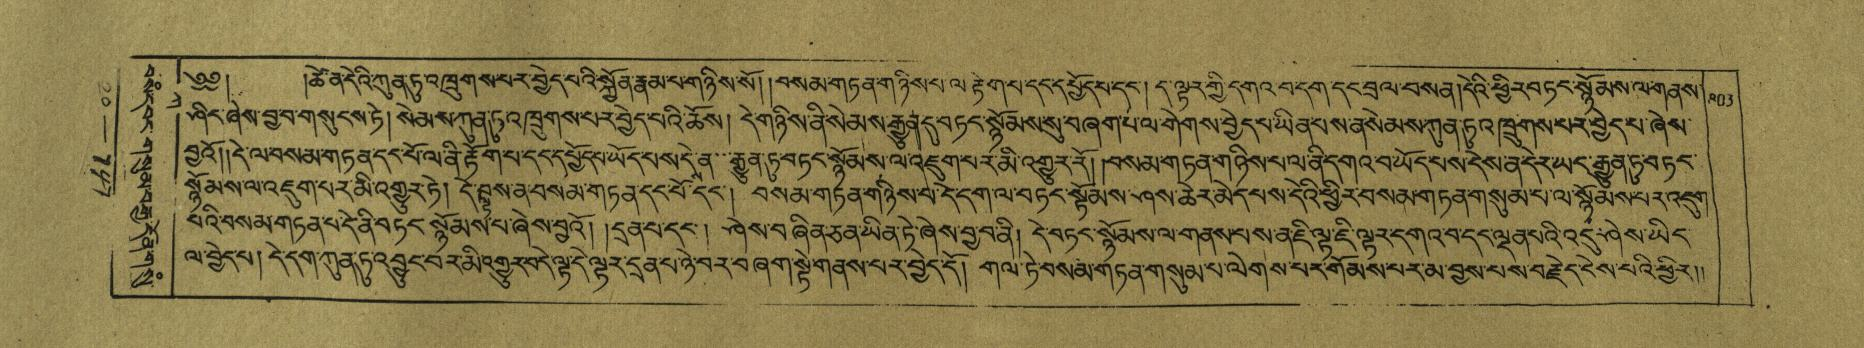༄༅། །ཚེ་ན་དེའི་ཀུན་ཏུ་འཁྲུགས་པར་བྱེད་པའི་སྐྱོན་རྣམ་པ་ག་ཉིས་སོ། །བསམ་གཏན་གཉིས་པ་ལ་རྟེག་པ་དང་དཔྱོད་པ་དང་། ད་ལྟར་གྱི་དགའ་བ་དག་དང་བྲལ་བསན། དེའི་ཕྱིར་བཏང་སྙོམས་ལ་གནས་
ཤིང་ཞེས་བྱ་བ་གསུངས་ཏེ། སེམས་ཀུན་ཏུ་འཁྲུགས་པར་བྱེད་པའི་ཆོས། དེ་གཉིས་ནི་སེམས་རྒྱུན་དུ་བཏང་སྙོམས་སུ་བཞག་པ་ལ་གེགས་བྱེད་པ་ཡིན་པས་ན་སེམས་ཀུན་ཏུ་འཁྲུགས་པར་བྱེད་པ་ཞེས་
བྱའོ། །དེ་ལ་བསམ་གཏན་དང་པོ་ལ་ནི་རྟོག་པ་དང་དཔྱོད་པ་ཡོད་པས་དེས་ན་རྒྱུན་ཏུ་བཏང་སྙོམས་ལ་འཇུག་པར་མི་འགྱུར་རོ། །བསམ་གཏན་གཉིས་པ་ལ་ནི་དགའ་བ་ཡོད་པས་དེས་ན་དེར་ཡང་རྒྱུན་ཏུ་བཏང་
སྙོམས་ལ་འཇུག་པར་མི་འགྱུར་ཏེ། དེ་ལྟ་བས་ན་བསམ་གཏན་དང་པོ་དང་། བསམ་གཏན་གཉིས་པ་དེ་དག་ལ་བཏང་སྟོམས་ཤས་ཆེར་མེད་པས་དེའི་ཕྱིར་བསམ་གཏན་གསུམ་པ་ལ་སྙོམས་པར་འཇུག་
པའི་བསམ་གཏན་པ་དེ་ནི་བཏང་སྙོམས་པ་ཞེས་བྱའོ། །དྲན་པ་དང་། ཤེས་བཞིན་ཅན་ཡིན་ཏེ་ཞེས་བྱ་བ་ནི། དེ་བཏང་སྙོམས་ལ་གནས་པས་ན་ཇི་ལྟ་ཇི་ལྟར་དགའ་བ་དང་ལྡན་པའི་འདུ་ཤེས་ཡིད་
ལ་བྱེད་པ། དེ་དག་ཀུན་ཏུ་འབྱུང་བར་མི་འགྱུར་བ་དེ་ལྟ་དེ་ལྟར་དྲན་པ་ཉེ་བར་བཞག་སྟེ་གནས་པར་བྱེད་དོ། གལ་ཏེ་བསམ་གཏན་གསུམ་པ་ལེགས་པར་གོམས་པར་མ་བྱས་པས་བརྗེད་ངེས་པའི་ཕྱིར།།